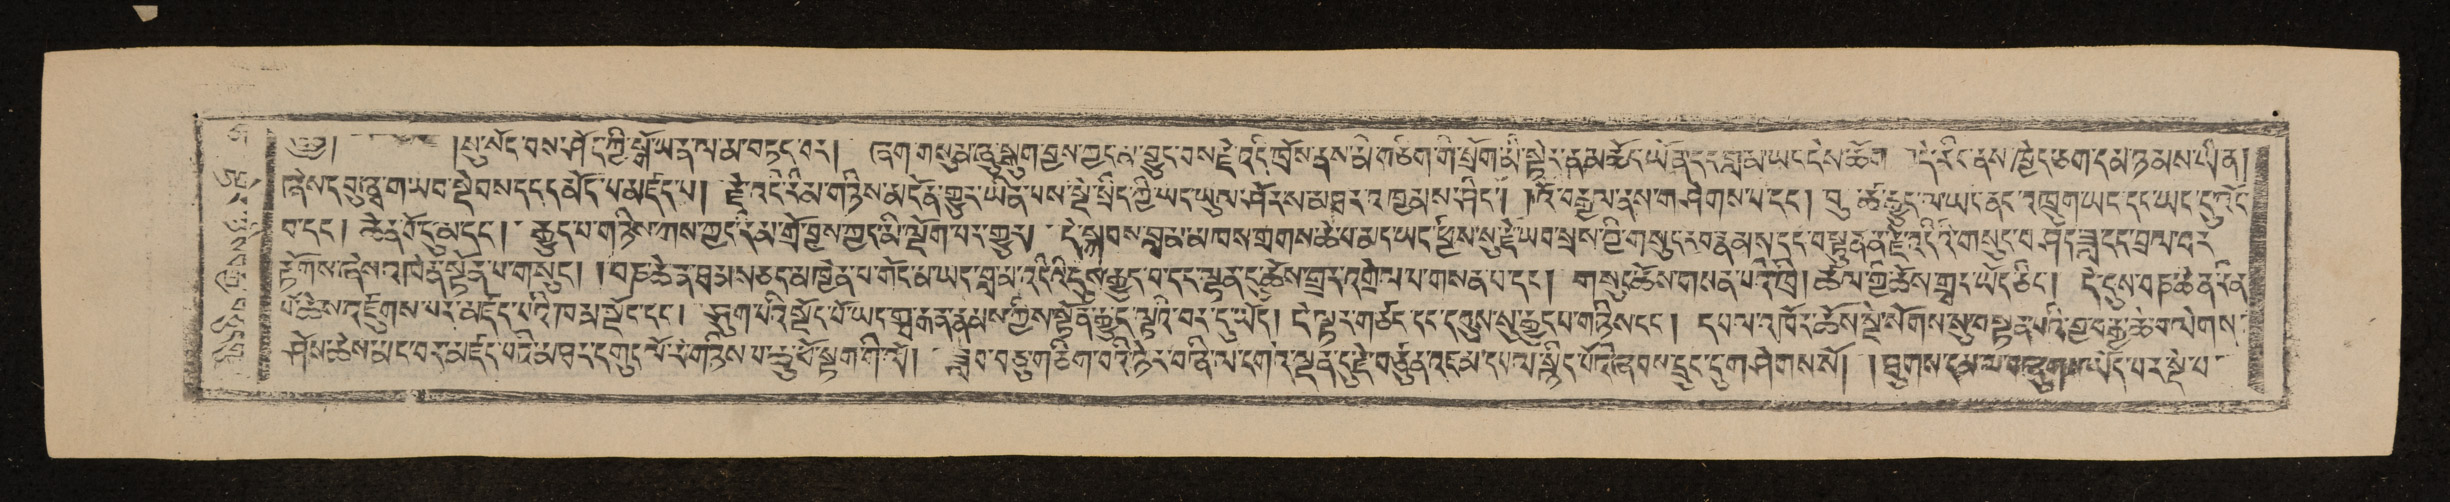༄༅། །སུ་སོང་བས་ཤོད་ཀྱི་སྒོ་ཡན་ལ་མ་བཏང་བར། ཞག་གསུམ་ཞུ་སྒུག་བྱས་ཀྱང་མ་བྱུང་བས་རྗེ་འདི་ཁྲོས་ནས་མི་གཅིག་གི་སྲོག་མི་སྟེར་ན་མཆོད་ཡོན་དང་བླ་མ་ཡང་དེས་ཆོག །དེ་རིང་ནས་ཁྱེད་ཅག་དམ་ཉམས་ཡིན།
ཞེས་དབུ་ཞྭ་གཡབ་སྡེབས་དང་དམོད་བ་མཛད་པ། རྗེ་འདི་རིམ་གཉིས་མངོན་གྱུར་ཡིན་པས་སྡེ་སྲིད་ཀྱི་ཡང་ཡུལ་ཤོང་ས་མཐར་འཁྱམས་ཤིང་། འོ་བརྒྱལ་ནས་གཤེགས་པ་དང་། བུ་ཚ་རྒྱུད་ལ་ཡང་ནད་འཁྲུག་ཡང་དང་ཡང་དུ་འོང་
བ་དང་། ཆེན་པོ་དུ་མ་དང་། རྒྱུད་པ་གཉིས་ཀས་ཀྱང་རིམ་གྲོ་བྱས་ཀྱང་མི་ལྡོག་པར་གྱུར། དེ་སྐབས་བླ་མ་མཁས་གྲགས་ཆེ་བ་མང་ཡང་ཕྱིས་སུ་རྗེ་ཡབ་སྲས་ཀྱི་གསུང་རབ་རྣམས་དང་བསྟུན་ན་རྗེ་འདིའི་གསུང་བཤད་ཟླ་དང་བྲལ་བར་
རྟོགས་ཞེས་འཁོན་སྟོན་པ་གསུང་། པཎ་ཆེན་ཐམས་ཅད་མཁྱེན་པ་གོང་མ་ཡང་བླ་མ་འདིའི་དུས་རྒྱུད་པ་དང་ལྷན་དུ་ཆོས་གྲྭར་འགྲེལ་པ་གསན་པ་དང་། གསུང་ཆོས་གསན་པའི་ཁྲི། ཚལ་གྱི་ཆོས་གྲྭར་ཡོད་ཅིང་། དེ་དུས་པཎ་ཆེན་རིན་
པོ་ཆེས་འཛུགས་པར་མཛད་པའི་ཁམ་སྡོང་དང་། ཤུག་པའི་སྡོང་པོ་ཡང་གྲྭ་རྒན་རྣམས་ཀྱིས་སྟོན་རྒྱུ་ད་ལྟའི་བར་དུ་ཡོད། དེ་ལྟར་གཙང་དང་དབུས་སུ་རྒྱུད་པ་གཉིས་དང་། དཔལ་འཁོར་ཆོས་སྡེ་སོགས་སུ་བསྟན་པའི་བྱ་བ་རྒྱ་ཆེ་བ་ལེགས་
ཤོས་ཆེས་མང་བར་མཛད་པའི་མཐར་དགུང་ལོ་རེ་གཉིས་པ་ཆུ་ཕོ་སྟག་གི་ལོ། ཟླ་བ་བཅུ་གཅིག་པའི་ཉེར་བཞི་ལ་དགའ་ལྡན་དུ་རྗེ་བཙུན་འཇམ་དཔལ་སྙིང་པོའི་ཞབས་དྲུང་དུ་གཤེགས་སོ། །ཐུགས་དམ་ལ་བཞུགས་ཡོད་བར་སྡེ་པ་